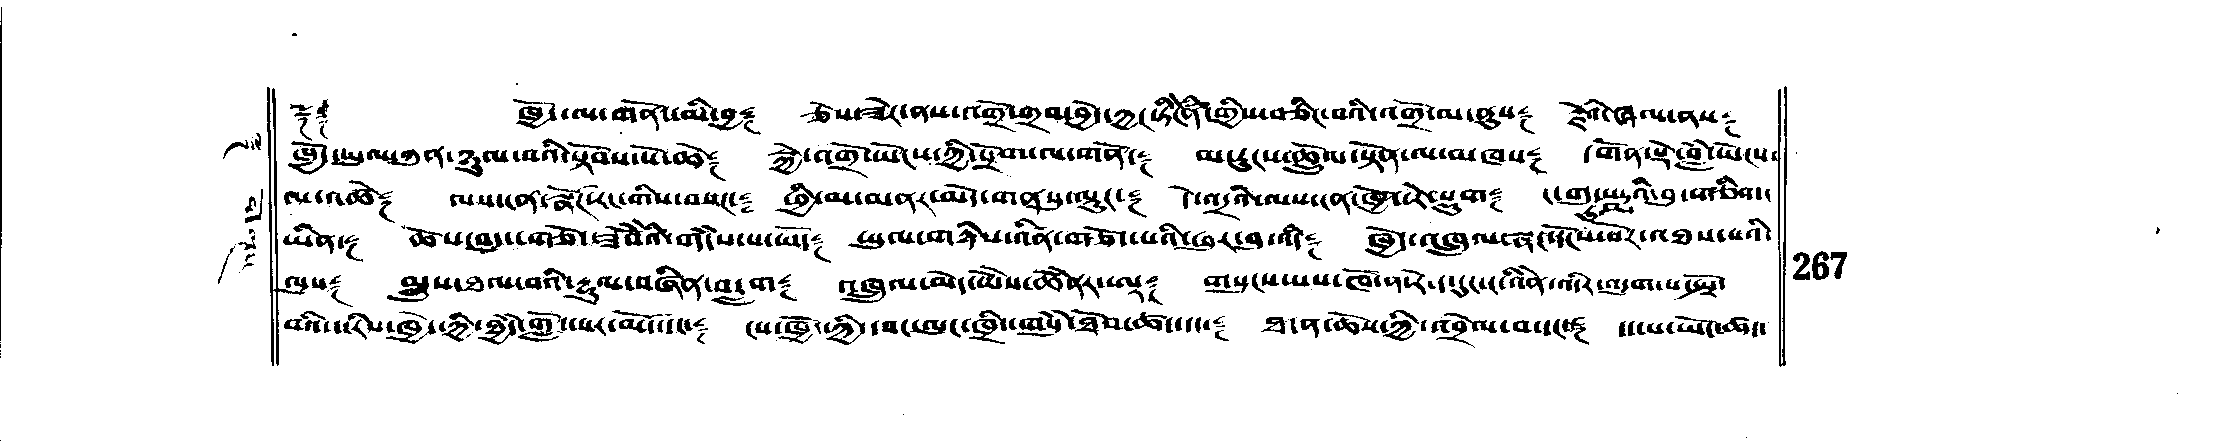ཁྱོད་ལ་གནོད་མི་བྱ། །ཞེས་ཟེར་ནས་འགྲོ་གྲབས་བྱེད་ཀྱང་ཏིང་ངེ་འཛིན་གྱིས་བཅིང་བས་འགྲོ་མ་ནུས། རྗེའི་ཞལ་ནས། 
ཁྱོད་ཡུལ་ཀུན་ཉུལ་བའི་སྟོབས་པོ་ཆེ། །སྐྱེ་འགྲོ་ཡོངས་ཀྱི་སྲོག་ལ་གནོད། །མ་རུངས་ཆོ་འཕྲུལ་སྟོན་ལ་མཁས། །དགོན་སྡེ་བླ་མ་ཡོངས་
ལ་འཚེ། །ལས་ངན་སྣ་ཚོགས་རང་གིས་བསགས། །ཕྱི་མ་མནར་མེད་གནས་སུ་ལྷུང་། །དེ་འདྲའི་ལས་ངན་ཁྱོད་རེ་སྡུག །ང་གུ་རུ་པདྨའི་བུ་གཅིག་
ཡིན། །ཆོས་བདུད་གཅོད་ཟབ་མོའི་གདམས་པ་ཡོད། །ཡུལ་གཉིས་འཛིན་གཅོད་པའི་ཕུར་བུ་འདི། ཁྱེད་འཁྲུལ་སྣང་དངོས་པོར་འཐས་པའི་
ལུས། །མ་ལུས་ཐལ་བའི་རྡུལ་བཞིན་བརླག །འཁྲུལ་མེད་ཡེ་ཤེས་ཆེན་པོར་ཨཱཿ གསུངས་པས་ཁོ་ན་རེ་ད་དུང་ང་འཇིག་རྟེན་འདིར་འདུག་པ་སྤྲོ་
བས་ད་རིས་ཁྱོད་ཀྱི་ཐུགས་དམ་གློད་པར་མཛོད་དང་། ངས་ཁྱོད་ཀྱི་དབང་ལུང་ཁྲིད་གསུམ་ཐོབ་ཚད་དང་། ཐ་ན་ཆོས་ཀྱི་འབྲེལ་བ་དང་། དད་པ་ཡོད་ཚད་